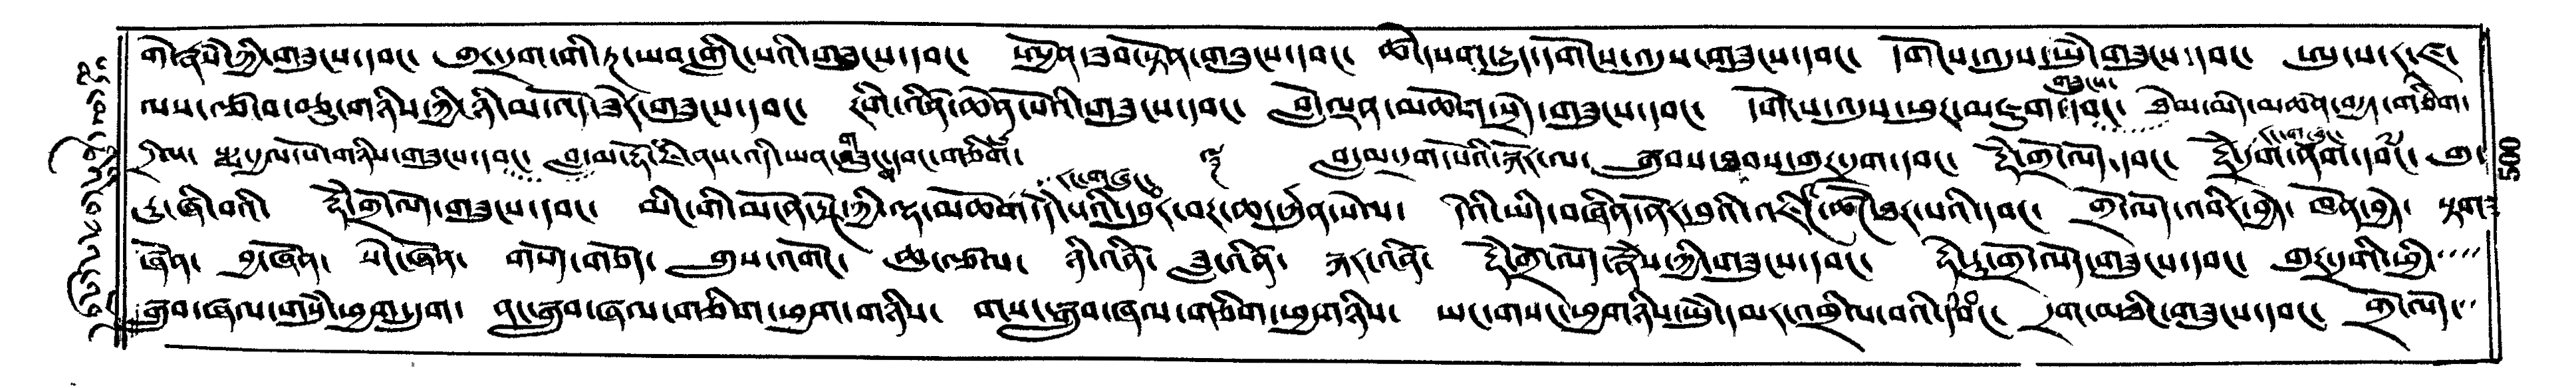གེ་རྣམས་ཀྱི་གཟུངས་དབང་། གུར་དྲག་གི་རྔ་ཡབ་གླིང་པའི་གཟུངས་དབང་། ཨོ་རྒྱན་ཟབ་སྟོན་གཟུངས་དབང་། ཚེ་དཔག་རྒྱུད་དགོངས་འདུས་གཟུངས་དབང་། དགོངས་འདུས་ཡུམ་གཟུངས་དབང་། ཨུ་པ་རཱ་ཛ་
ལས་རྩ་བ་བཅུ་གཉིས་ཀྱི་ཉི་མ་འོད་ཟེར་གཟུངས་དབང་། རིག་འཛིན་ཆེན་པོའི་གཟུངས་དབང་། བློ་ལྡན་མཆོག་སྲེད་གཟུངས་དབང་། དགོངས་འདུས་ཕུར་མཇུག་གཟུངས་དབང་། ༼ཐེག་མེད་མཚན་བརྒྱད་གཅིག་༽ 
དྲིལ། ༼པདྨ་རྒྱལ་པོ་གཉིས་གཟུངས་དབང་། བླ་མ་རྡོ་རྗེ་ནས་འདི་ཡན་གཟུངས་དབང་གཅིག། ༈ བླ་མ་དྲག་པོའི་སྐོར་ལ། སྒྲུབ་ཐབས་གུར་དྲག་དབང་། རྡོ་རྗེ་གྲོ་ལོད་དབང་། །རྡོ་རྗེ་རང་གཞུང་དྲག་ནག་དབང་༧། གུ་
རུ་ཞི་བའི། རྡོ་རྗེ་གྲོ་ལོད་གཟུངས་དབང་། མིང་གི་མངོན་རྟོགས་ཀྱི་ལྷ་མཆོག་རང་གཞུང་དམ་པའི་དབང་བསྐུར་བར་ཆད་ཀུན༨་སེལ། དེའི་ཡིད་བཞིན་ནོར་བུའི་འཇིགས་ཚོགས་ཐར་པའི་དབང་། གྲོ་ལོད་འབིར་བྱེད་། ཁོན་བྱེད། སྟག་
ཞོན། །བྱ་ཞོན། སེང་ཞོན། གསོད་གཅོད། གྲུས་འགོང་། ཆུ་རྩལ། ཉི་འཛིན། ཟླ་འཛིན། སྐར་འཛིན། རྡོ་རྗེ་གྲོ་ལོད་རྣམས་ཀྱི་གཟུངས་དབང་། དྷེ་རུ་གྲོ་ལོད་གཟུངས་དབང་། གུར་དྲག་གི་ཕྱི་
སྒྲུབ་ཞལ་གསུམ་ཕྱག་དྲུག ནང་སྒྲུབ་ཞལ་གཅིག་ཕྱག་གཉིས། གསང་སྒྲུབ་ཞལ་གཅིག་ཕྱག་གཉིས། །ཡང་གསང་ཕྱག་གཉིས་ཡུམ་དམར་འཁྲིལ་བའི་དབང་། དྲག་མཐིང་གཟུངས་དབང་། གྲོ་ལོད་